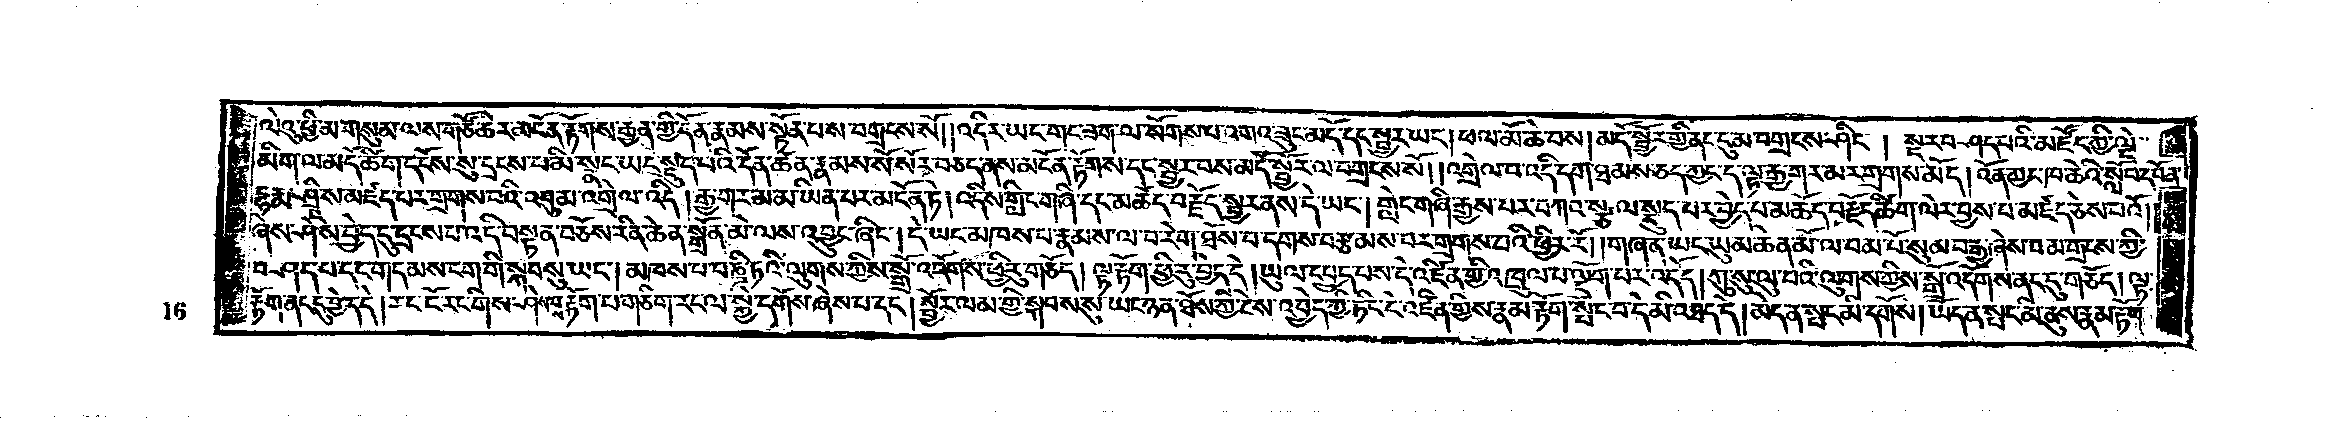ལེའུ་ཕྱི་མ་གསུམ་ལས་གཙོ་ཆེར་མངོན་རྟོགས་རྒྱན་གྱི་དོན་རྣམས་སྟོན་པས་བགྲངས་སོ། །འདིར་ཡང་གང་ཟག་ལ་སོགས་པ་འགའ་ཟུང་མདོ་དང་སྦྱར་ཡང་། ཕལ་མོ་ཆེ་བས། མདོ་སྦྱོར་གྱི་ནང་དུ་མ་བགྲངས་ཤིང་། སྔར་བཤད་པའི་མཛོད་ཀྱི་ལྡེ་
མིག་ལ་མདོ་ཚིགས་དངོས་སུ་དྲངས་པ་མི་སྣང་ཡང་སྡུད་པའི་དོན་ཚན་རྣམས་སོ་སོར་བཅད་ནས་མངོན་རྟོགས་དང་སྦྱར་བས་མདོ་སྦྱོར་ལ་བགྲངས་སོ། །འགྲེལ་པ་འདི་དག་ཐམས་ཅད་ཀྱང་དེ་ལྟ་རྒྱ་གར་མར་གྲགས་མོད། འོན་ཀྱང་ཁ་ཆེའི་སློབ་དཔོན་
དྷ་རྨ་ཤྲཱིས་མཛད་པར་གྲགས་པའི་འབུམ་འགྲེལ་འདི། རྒྱ་གར་མ་མ་ཡིན་པར་མངོན་ཏེ། འདིས་གླེང་གཞི་དང་མཆོད་བརྗོད་སྦྱར་ནས་དེ་ཡང་། གླེང་གཞི་རྒྱས་པར་བཀའ་སྩལ་སྡུད་པར་བྱེད་པ་མཆོད་བརྗོད་ཚིག་ལེར་བྱས་པ་མཛད་ཅེས་པའོ། །
ཞེས་ཤེས་བྱེད་དུ་དྲངས་པ་འདི་བསྟན་བཅོས་རིན་ཆེན་སྒྲོན་མེ་ལས་འབྱུང་ཞིང་། དེ་ཡང་མཁས་པ་རྣམས་ལ་བ་རེག་ཐོས་པ་དགས་བརྩམས་པར་གྲགས་པའི་ཕྱིར་རོ། །གཞན་ཡང་ཡུམ་ཆེན་མོ་ལ་བམ་པོ་སུམ་བརྒྱ་ཞེས་བམ་གྲངས་ཀྱི་
བཤད་པ་དང་གདམས་ངག་གི་སྐབས་སུ་ཡང་། མཁས་པ་བཎྜི་ཏའི་ལུགས་ཀྱིས་སྒྲོ་འདོགས་ཕྱི་རུ་གཅོད། ལྟ་རྟོག་ཕྱི་རུ་བྱེད་དེ། ཡུལ་དཔྱད་པས་དེ་འཛིན་གྱི་འཁྲུལ་པ་ལྡོག་པར་འདོད། ཀུ་སུ་ལུ་པའི་ལུགས་ཀྱིས་སྒྲོ་འདོགས་ནང་དུ་གཅོད། ལྟ་
རྟོག་ནང་དུ་བྱེད་དེ། རང་ངོ་རང་གིས་ཤེས་པས་རྟོག་པ་གཅིག་རང་ལ་སྐྱེ་དགོས་ཞེས་པ་དང་། སྦྱོར་ལམ་གྱི་སྐབས་སུ་ཡང་ཉན་ཐོས་ཀྱི་ངེས་འབྱེད་ཀྱི་ཏིང་ངེ་འཛིན་གྱིས་རྣམ་རྟོག་སྤོང་བ་དེ་མི་འཐད་དེ། མེད་ན་སྤང་མི་དགོས། ཡོད་ན་སྤང་མི་ནུས་རྣམ་རྟོག་